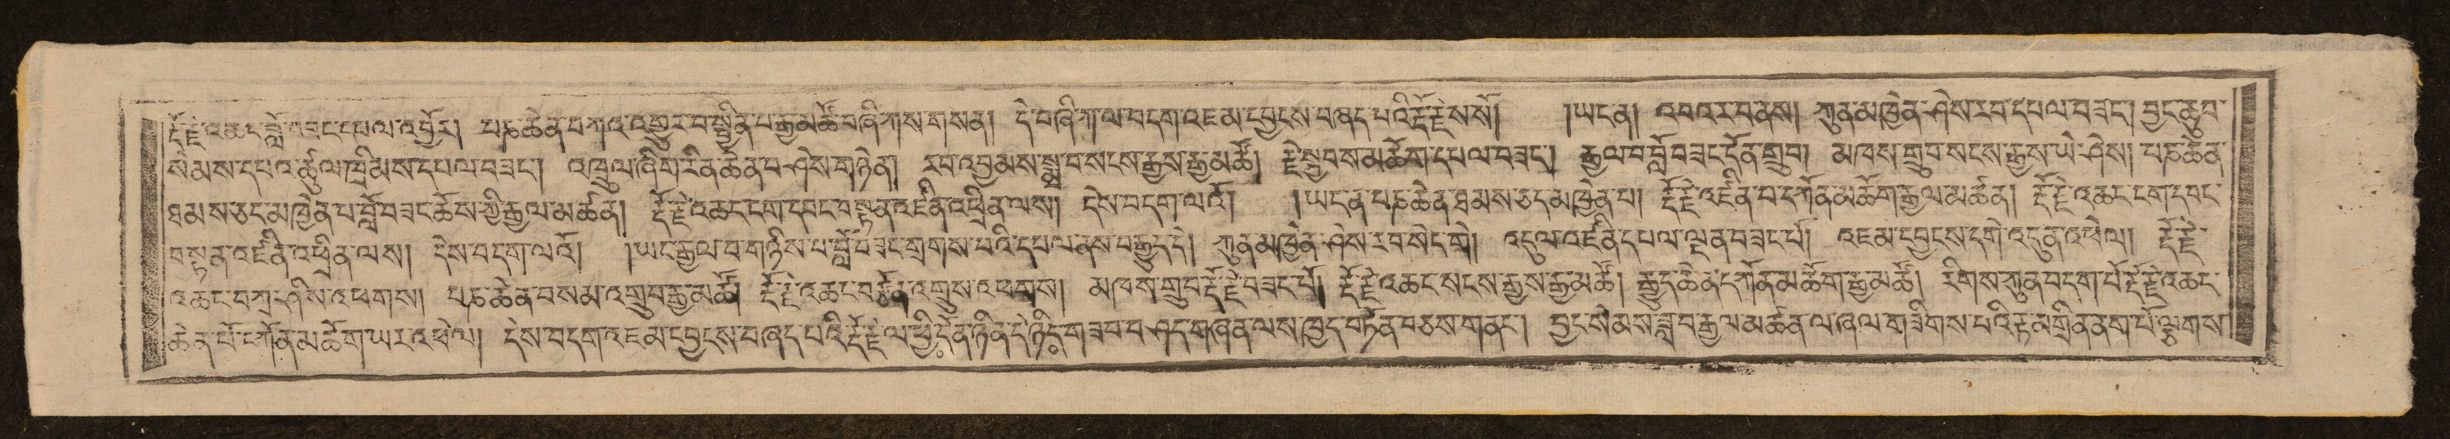རྡོ་རྗེ་འཆང་བློ་བཟང་དཔལ་འབྱོར། པཎ་ཆེན་བཀའ་འགྱུར་པ་སྦྱིན་པ་རྒྱ་མཚོ་བཞི་ཀས་གསན། དེ་བཞི་ཀ་ལ་བདག་འཇམ་དབྱངས་བཞད་པའི་རྡོ་རྗེས་སོ། །ཡང་ན། འབའ་ར་བ་ནས། ཀུན་མཁྱེན་ཤེས་རབ་དཔལ་བཟང་། བྱང་ཆུབ་
སེམས་དཔའ་ཚུལ་ཁྲིམས་དཔལ་བཟང་། འཁྲུལ་ཞིག་རིན་ཆེན་བཤེས་གཉེན། རབ་འབྱམས་སྨྲ་བ་སངས་རྒྱས་རྒྱ་མཚོ། རྗེ་སྐྱབས་མཆོག་དཔལ་བཟང་། རྒྱལ་བ་བློ་བཟང་དོན་གྲུབ། མཁས་གྲུབ་སངས་རྒྱས་ཡེ་ཤེས། པཎ་ཆེན་
ཐམས་ཅད་མཁྱེན་པ་བློ་བཟང་ཆོས་ཀྱི་རྒྱལ་མཚན། རྡོ་རྗེ་འཆང་ངག་དབང་བསྟན་འཛིན་འཕྲིན་ལས། དེས་བདག་ལའོ། །ཡང་ན་པཎ་ཆེན་ཐམས་ཅད་མཁྱེན་པ། རྡོ་རྗེ་འཛིན་པ་དཀོན་མཆོག་རྒྱལ་མཚན། རྡོ་རྗེ་འཆང་ངག་དབང་
བསྟན་འཛིན་འཕྲིན་ལས། དེས་བདག་ལའོ། །ཡང་རྒྱལ་བ་གཉིས་པ་བློ་བཟང་གྲགས་པའི་དཔལ་ནས་བརྒྱུད་དེ། ཀུན་མཁྱེན་ཤེས་རབ་སེང་གེ། འདུལ་འཛིན་དཔལ་ལྡན་བཟང་པོ། འཇམ་དབྱངས་དགེ་འདུན་འཕེལ། རྡོ་རྗེ་
འཆང་བཀྲ་ཤིས་འཕགས། པཎ་ཆེན་བསམ་འགྲུབ་རྒྱ་མཚོ། རྡོ་རྗེ་འཆང་བརྩོན་འགྲུས་འཕགས། མཁས་གྲུབ་རྡོ་རྗེ་བཟང་པོ། རྡོ་རྗེ་འཆང་སངས་རྒྱས་རྒྱ་མཚོ། རྒྱུད་ཆེན་དཀོན་མཆོག་རྒྱ་མཚོ། རིགས་ཀུན་བདག་པོ་རྡོ་རྗེ་འཆང་
ཆེན་པོ་དཀོན་མཆོག་ཡར་འཕེལ། དེས་བདག་འཇམ་དབྱངས་བཞད་པའི་རྡོ་རྗེ་ལ་ཕྱི་དོན་ཉིན་དེ་ཉིད་གཟབ་བཤད་གཞན་ལས་ཁྱད་བཏོན་བཅས་གནང་། བྱང་སེམས་ཟླ་བ་རྒྱལ་མཚན་ལ་ཞལ་གཟིགས་པའི་རྟ་མགྲིན་ནག་པོ་ལྕགས་